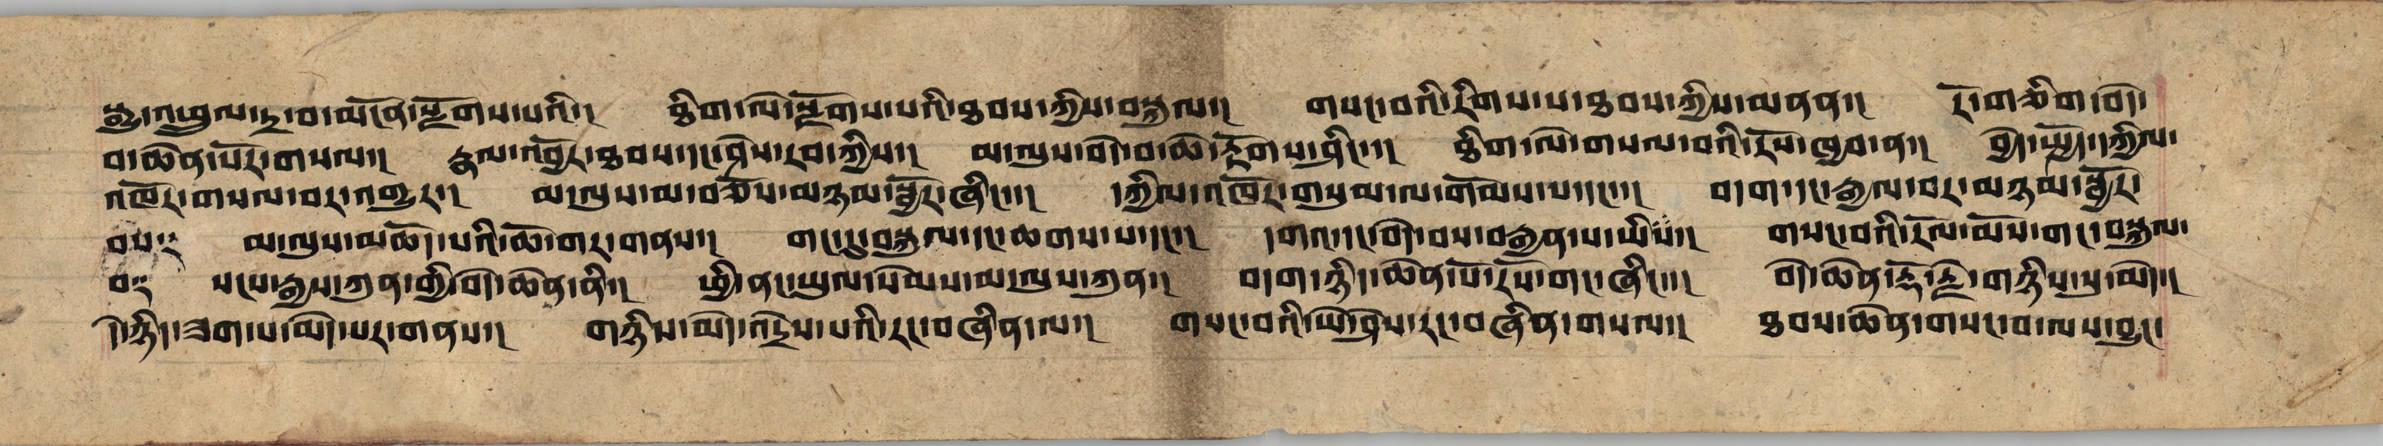སྒྱུ་འཕྲུལ་དྲ་བ་མངོན་སྫོགས་པའི་། ཐིག་ལེ་སྫོགས་པའི་ཐབས་ཀྱིས་བསྐུལ་། གསང་བའི་རིགས་ས་ཐབས་ཀྱིས་མནན་། རོ་གཅིག་བདེ་
བ་ཆེན་པོར་གསལ་། རྣལ་འབྱོར་ཐབས་དང་ཤེས་རབ་ཀྱིས་། མ་ལུས་བདེ་བ་ཆེ་རྟོགས་ཤིང་་། ཐིག་ལེ་གསལ་བའི་རོས་ཁྱབ་ན་། བྱེད་སྤྱོད་དཀྱིལ་
འཁོར་གསལ་བར་འགྱུར་། མ་ལུས་མ་བཅོས་མཉམ་སྦྱོར་ཞིང་་། དཀྱིལ་འཁོར་གསུམ་ལ་གོམས་པ་དང་་། བདག་དང་རྒྱལ་བར་མཉམ་སྦྱོར་
བས༑ མ་ལུས་མཆོད་པའི་ཆོ་གར་གནས་། གང་དུ་བསྐུལ་དང་ཆགས་པ་དང་། དགའ་དང་བདེ་བས་བརྒྱན་པ་ཡིས་། གསང་བའི་རོལ་མོས་གང་བསྐུལ་
བ༑ སངས་རྒྱས་ཀུན་གྱི་བདེ་ཆེན་ནི་། ཕྱི་ནང་ཡུལ་སེམས་མ་ལུས་ཀུན་། བདག་ཉིད་ཆེན་པོ་རོས་གང་ཞིང་་། བདེ་ཆཻན་རྡོ་རྗེ་གཉིས་སུ་མེད་།
དེ་ཉིད་ཟག་པ་མེད་པར་གནས་། གཉིས་མེད་འདྲེས་པའི་རང་བཞིན་ལ་། གསང་བའི་ཡེ་ཤེས་རང་བཞིན་གསལ་། ཐབས་ཆེན་གསང་བ་ལས་བྱུང་